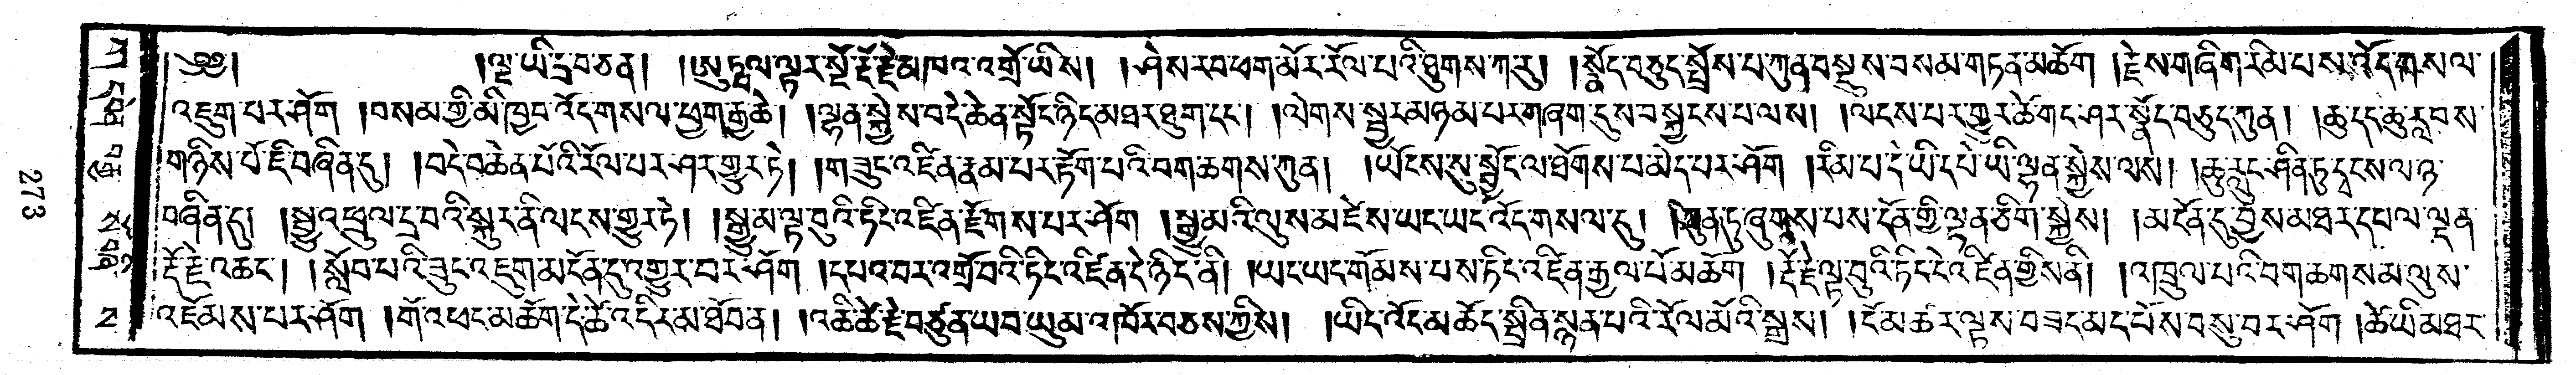༄༅། །ལྔ་ཡི་དྲ་བ་ཅན། །ཨུཏྤལ་ལྟར་སྔོ་རྡོ་རྗེ་མཁའ་འགྲོ་ཡིས། །ཤེས་རབ་ཕག་མོར་རོལ་པའི་ཐུགས་ཀ་རུ། །སྣོད་བཅུད་སྤྲོས་པ་ཀུན་བསྡུས་བསམ་གཏན་མཆོག །རྗེས་གཞིག་རིམ་པས་འོད་གསལ་
འཇུག་པར་ཤོག །བསམ་གྱི་མི་ཁྱབ་འོད་གསལ་ཕྱག་རྒྱ་ཆེ། །ལྷན་སྐྱེས་བདེ་ཆེན་སྟོང་ཉིད་མཐར་ཐུག་དང་། །ལེགས་སྦྱར་མཉམ་པར་གཞག་དུས་བསྐྱངས་པ་ལས། །ལངས་པར་གྱུར་ཚེ་གང་ཤར་སྣོད་བཅུད་ཀུན། །ཆུ་དང་ཆུ་རླབས་
གཉིས་པོ་ཇི་བཞིན་དུ། །བདེ་བ་ཆེན་པོའི་རོལ་པར་ཤར་གྱུར་ཏེ། །གཟུང་འཛིན་རྣམ་པར་རྟོག་པའི་བག་ཆགས་ཀུན། །ཡོངས་སུ་སྦྱོང་ལ་ཐོགས་པ་མེད་པར་ཤོག །རིམ་པ་དེ་ཡི་དཔེ་ཡི་ལྷན་སྐྱེས་ལས། །ཆུ་རླུང་ཤིན་ཏུ་དྭངས་ལ་ཉ་
བཞིན་དུ། །སྦྱུ་འཕྲུལ་དྲ་བའི་སྐུར་ནི་ལངས་གྱུར་ཏེ། །སྒྱུ་མ་ལྟ་བུའི་ཏིང་འཛིན་རྫོགས་པར་ཤོག །སྒྱུ་མའི་ལུས་མཛེས་ཡང་ཡང་འོད་གསལ་དུ། །ཀུན་ཏུ་ཞུགས་པས་དོན་གྱི་ལྷན་ཅིག་སྐྱེས། །མངོན་དུ་བྱས་མཐར་དཔལ་ལྡན་
རྡོ་རྗེ་འཆང་། །སློབ་པའི་ཟུང་འཇུག་མངོན་དུ་འགྱུར་བར་ཤོག །དཔའ་བར་འགྲོ་བའི་ཏིང་འཛིན་དེ་ཉིད་ནི། །ཡང་ཡང་གོམས་པས་ཏིང་འཛིན་རྒྱལ་པོ་མཆོག །རྡོ་རྗེ་ལྟ་བུའི་ཏིང་ངེ་འཛིན་གྱིས་ནི། །འཁྲུལ་པའི་བག་ཆགས་མ་ལུས་
འཇོམས་པར་ཤོག །གོ་འཕང་མཆོག་དེ་ཚེ་འདིར་མ་ཐོབ་ན། །འཆི་ཚེ་རྗེ་བཙུན་ཡབ་ཡུམ་འཁོར་བཅས་ཀྱིས། །ཡིད་འོད་མཆོད་སྦྲིན་སྙན་པའི་རོལ་མོའི་སྒྲས། །ངོ་མཚར་ལྟས་བཟད་མད་པོས་བསུ་བར་ཤོག །ཚེ་ཡི་མཐར་